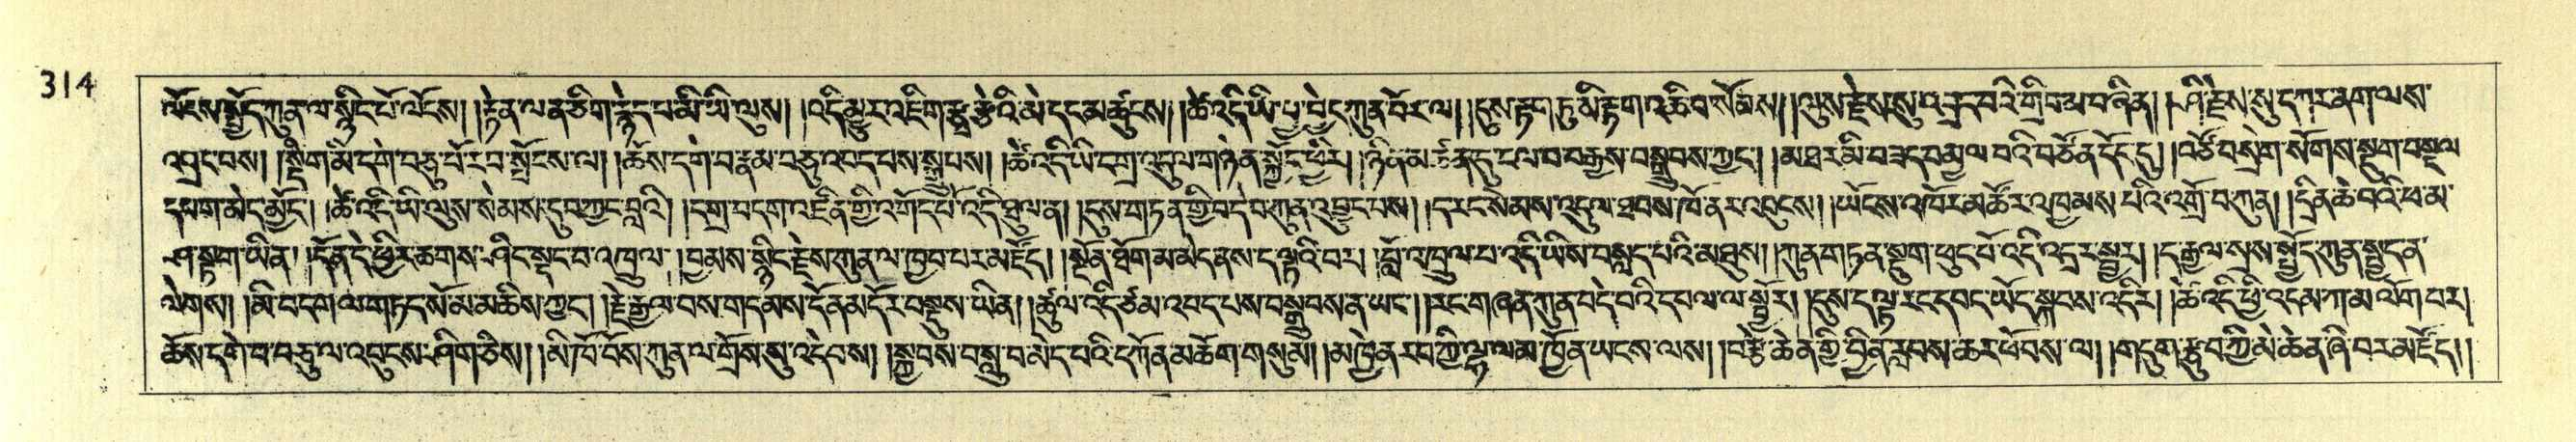ལོངས་སྤྱོད་ཀུན་ལ་སྙིང་པོ་ལོངས། །རྟེན་ལན་ཅིག་རྙེད་པ་མི་ཡི་ལུས། །འདི་མྱུར་འཇིག་རྩྭ་རྩེའི་མེ་དང་མཚུངས། །ཚེ་འདི་ཡི་བྱ་བྱེད་ཀུན་བོར་ལ། །དུས་རྟག་ཏུ་མི་རྟག་འཆི་བ་སོམས། །ལུས་རྗེས་སུ་འབྲད་བའི་གྲིབ་མ་བཞིན། །ཤི་རྗེས་སུ་དཀར་ནག་ལས་
འབྲང་བས། །སྡིག་མི་དགེ་བཅུ་པོ་རབ་སྤོངས་ལ། །ཆོས་དགེ་བ་རྣམ་བཅུ་འབད་པས་སྒྲུབས། །ཚེ་འདི་ཡི་དགྲ་འདུལ་གཉེན་སྐྱོང་ཕྱིར། །ཉིན་མཚན་དུ་ངལ་བ་བརྒྱས་བསྒྲུབས་ཀྱང་། །མཐར་མི་བཟད་བ་མྱལ་བའི་བཙོན་དོང་དུ། །བཙོ་བསྲེག་སོགས་སྡུག་བསྔལ་
དཔག་མེད་མྱོང་། །ཚེ་འདི་ཡི་ལུས་སེམས་དུ་བཀྱང་བླའི། །དགྲ་བདག་འཛིན་གྱི་འགོད་པོ་འདི་ཐུལ་ན། །དུས་གཏན་གྱི་བདེ་བ་ཀུན་འབྱུང་པས། །ད་རང་སེམས་འདུལ་ཐབས་ཁོ་ནར་འབུངས། །ཡོངས་འཁོར་མཚོར་འཁྱམས་པའི་འགྲོ་བ་ཀུན། །དྲིན་ཆེ་བའི་ཕ་མ་
ཤ་སྟག་ཡིན། །དོན་དེ་ཕྱིར་ཆགས་ཤིང་སྡང་བ་འཁྲུལ། །བྱམས་སྙིང་རྗེས་ཀུན་ལ་ཁྱབ་པར་མཛོད། །སྔོན་ཐོག་མ་མེད་ནས་ད་ལྟའི་བར། །བློ་འཁྲུལ་པ་འདི་ཡིས་བསླད་པའི་མཐུས། །ཀུན་གཏན་སྡུག་ཕུང་པོ་འདི་འདྲར་སྦྱར། །ང་རྒྱལ་སྲས་སྤྱོད་ཀུན་སྤྱད་ན་
ལེགས། །མི་བདག་ལ་གཏང་སོ་མ་མཆིས་ཀྱང་། །རྗེ་རྒྱལ་བས་གདམས་དོན་མདོར་བསྡུས་ཡིན། །ཚུལ་འདི་ཙམ་འབད་པས་བསྒྲུབས་ན་ཡང་། །རང་གཞན་ཀུན་བདེ་བའི་དཔལ་ལ་སྦྱོར། །དུས་ད་ལྟ་རང་དབང་ཡོད་སྐབས་འདིར། །ཚེ་འདི་ཕྱི་འདམ་ཀ་མ་ལོག་པར།
ཆོས་དགེ་བ་བཅུ་ལ་འབུངས་ཤིག་ཅིས། །མི་ཁོ་བོས་ཀུན་ལ་གྲོས་སུ་འདེབས། །སྐྱབས་བསླུ་བ་མེད་པའི་དཀོན་མཆོག་གསུམ། །མཁྱེན་རབ་ཀྱི་ལྷ་ལམ་ཁྱོན་ཡངས་ལས། །བརྩེ་ཆེན་གྱི་བྱིན་རླབས་ཆར་ཕོབས་ལ། །གདུག་རྩུབ་ཀྱི་མེ་ཆེན་ཞི་བར་མཛོད། །